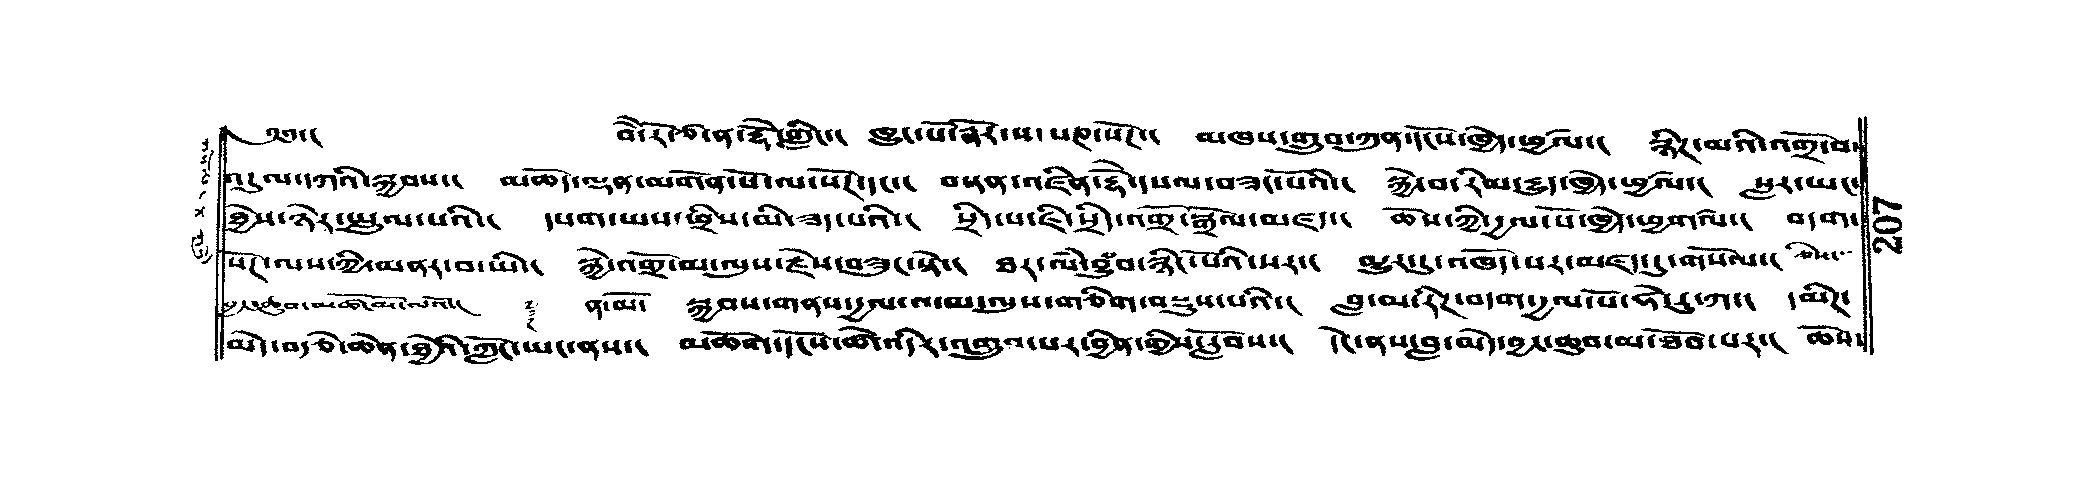།བཻ་རོ་ཙ་ན་རྡོ་རྗེ་གླིང་། །ཁྱུང་པོ་རྣལ་འབྱོར་ས་པཎ་སོགས། །མཁས་གྲུབ་ཀུན་དངོས་ཁྱེད་ཕྱག་འཚལ། །སྙིགས་མའི་འགྲོ་བ་
འདུལ་དཀའི་སྐྱབས། །མཆོག་ལྡན་མགོན་པོ་ལ་སོགས་དང་། །བསྟན་འཛིན་རྡོ་རྗེ་དཔལ་བཟང་པོའི། །སྐྱེ་བ་རིམ་རྒྱུད་ཁྱེད་ཕྱག་འཚལ། །སླར་ཡང་
ཐུགས་རྗེས་ཉེར་སྤྲུལ་པའི། །དཔག་ཡས་ཕྲིན་ལས་མི་ཟད་པའི། །སྲིད་པ་ཇི་སྲིད་འགྲོ་སྒྲོལ་མཛད། །ཆོས་ཀྱི་རྒྱལ་པོ་ཁྱེད་ཕྱག་འཚལ། །བདག་
སོགས་ལས་ཀྱི་མནར་བ་ཡི། །སྐྱེ་འགྲོ་མ་ལུས་རྗེས་བཟུང་སྟེ། །ཐར་ལམ་བྱང་ཆུབ་སྙིང་པོའི་སར། །མྱུར་དུ་འཁོད་པར་མཛད་དུ་གསོལ། ཅེས་
བྱང་ཆུབ་མཚོ་མོ་ལའོ།། ༈ ན་མོ། སྐྱབས་གནས་རྒྱལ་བ་མ་ལུས་གཅིག་བསྡུས་པའི། །བླ་མ་རིགས་བདག་རྒྱལ་པོ་ཧེ་རུ་ཀ །དམིགས་
མེད་བརྩེ་ཆེན་ཐུགས་རྗེའི་ཀློང་ཡངས་ནས། །མཆོག་དངོས་ཚེ་འདིར་འགྲུབ་པར་བྱིན་གྱིས་རློབས། །དེང་ནས་བླ་མེད་བྱང་ཆུབ་མ་ཐོབ་པར། །ཆོས་